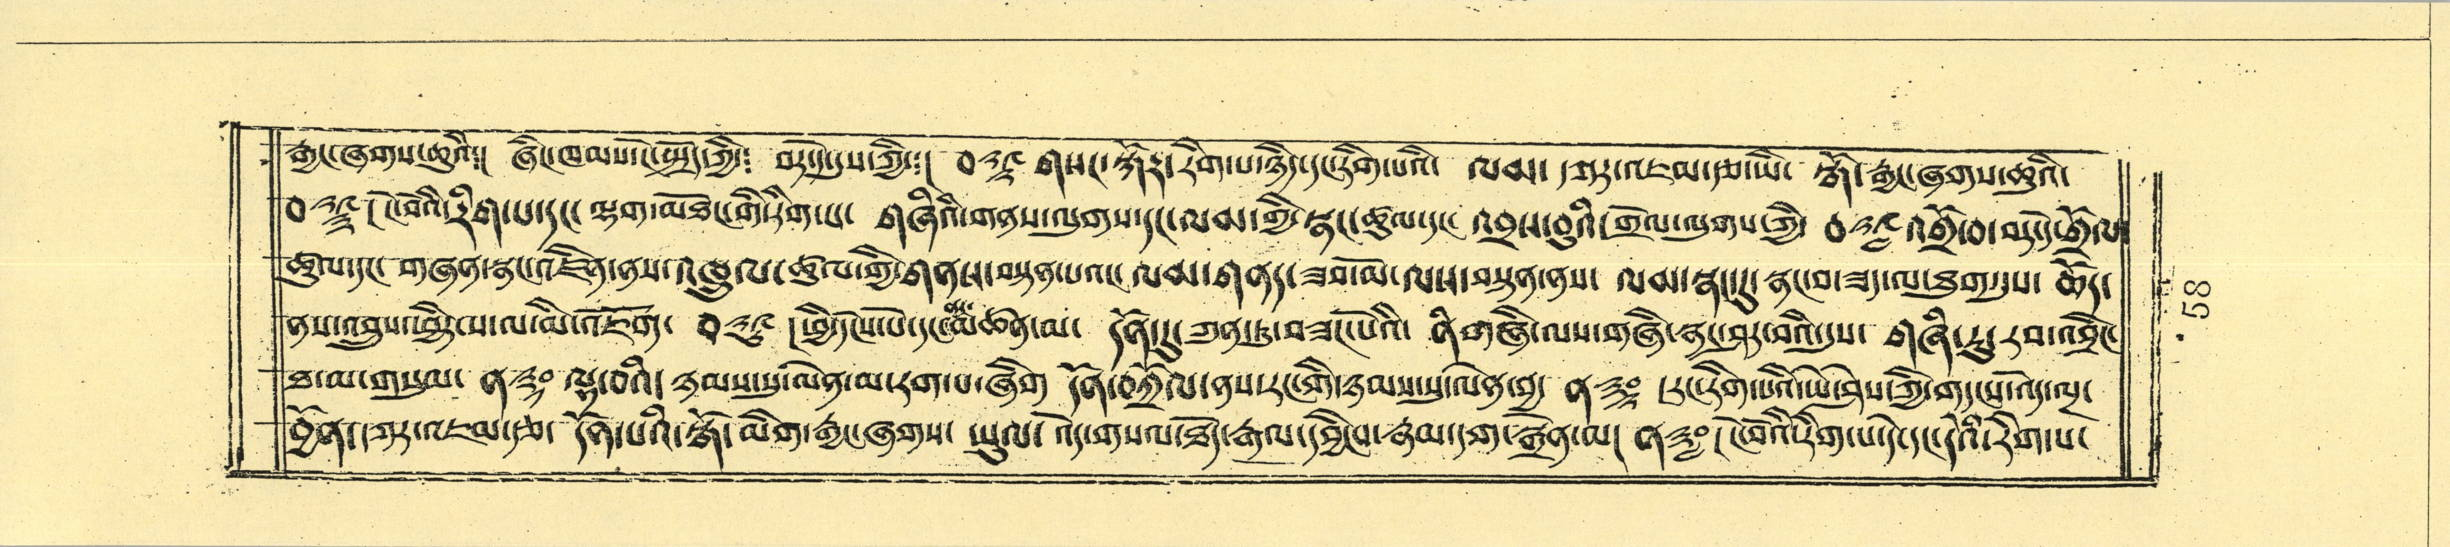རྒྱང་ཞགས་ཆུའི། སྒྲོན་མ་ཞིང་ཁམས་ངོ་སྤྲོད་ཀྱི། སྒྲོན་མ་བར་དོ་དུས་ཀྱི་སྒྲོན་མ་ བ༢༩།༢གསང་སྐོར་རིག་པ་ཉིད་དང་རིག་པའི་ ལམ་ དཀར་འཇམ་རྩའི་སྒོ་རྒྱང་ཞགས་ཆུའི་
བ༢༩།༣ ངོ་བོའི་ རིག་པ་དང་ ལྷག་མཐོང་གི་རིག་པ་ གཞིའི་གནས་ལུགས་དང་ལམ་གྱི་སྣང་ཚུལ་དང་ འབྲས་བུའི་གྲོལ་ལུགས་ཀྱི་ བ༢༩།༤འགྲོ་བ་བར་དོ་གྲོལ་
ཚུལ་དང་། གཞན་སྣང་འཛིན་ནས་འཁྲུལ་ཚུལ་གྱི་གནས་བསྟན་པའང་༼ལམ་གནད༽ཟབ་མོ་༼ལས༽བསྟན་ནས་༼ལམ་སྣང་དུ༽སྣང་བ་ཟད་ལ་ཐུག་དུས་༼ཆོད༽
ནས་འབྲས་བུ་ཕྱིར་ས་ལ་མི་འཇོག བ༢༩།༦ ཕྱི་དངོས་པོ་དང་ནང་མཚན་མ་༼དོམ་དུ༽ཀུན་ཏུ་བཟང་པོའི་༼ནི༽གཞི་ལས་གཞི་སྣང་ཤར་བའི་དུས་༼གཞི་༽རུ་རབ་འབྲིང་
ཐ་མ་གསུམ་ན༣༠།༡༼ལྟ་བའི༽ཉམས་སུ་ལེན་མ་རག་པ་ཞིག༼དོན་བཀྲོལ༽ནས་རང་གི་ཉམས་སུ་ལེན་བྱ་ན༣༠།༢ རང་རིག་པའི་ཡེ་ཤེས་ཀྱི་གདངས་འོད་ལྔ་
 ༼བྱོན༽དཀར་འཇམ་རྩ་༼དོན་པའི་སྒོ༽མིག་རྒྱང་ཞགས་༼ཡུལ༽འོད་གསལ་ཐོད་རྒལ་དབྱིངས་རྣམ་དག་སྒྲོན་མ་ན༣༠།༤ ངོ་བོིའི་རིག་པ་དེ་དང་དེའི་རིག་པ་